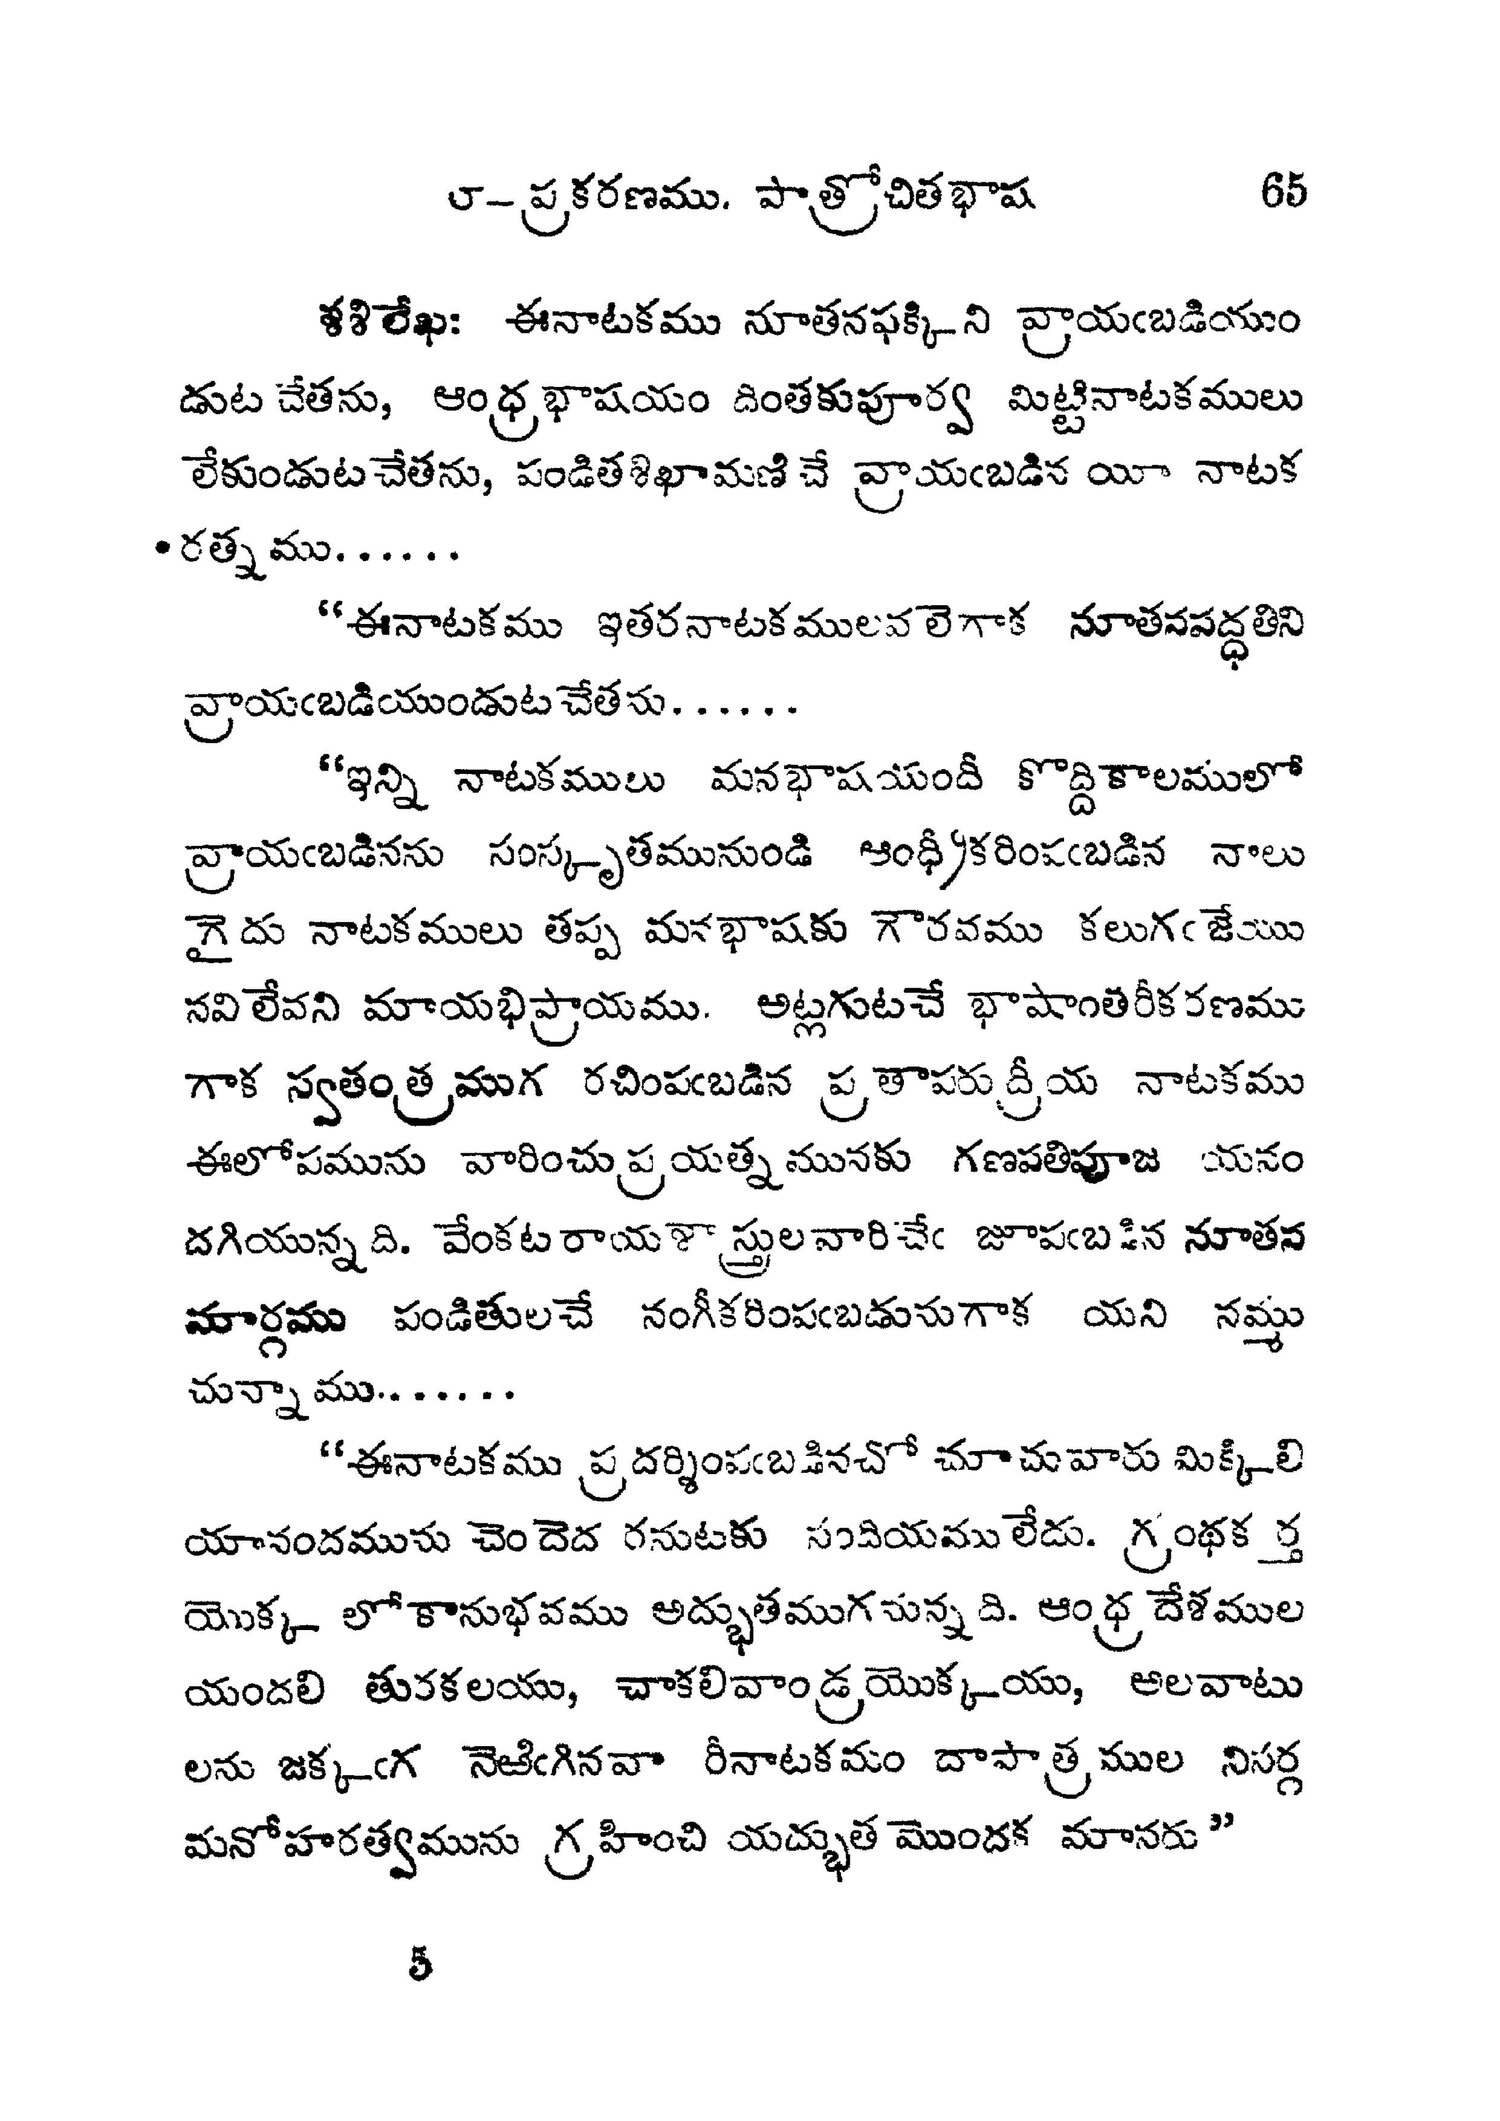శశిలేఖ: ఈనాటకము నూతనఫక్కిని వ్రాయబడియుండుట చేతను, ఆంధ్రభాషయం దింతకుపూర్వ మిట్టినాటకములు లేకుండుటచేతను, పండితశిఖామణిచే వ్రాయబడిన యీ నాటకరత్నము.....

"ఈనాటకము ఇతర నాటకములవలెగాక నూతన పద్ధతిని వ్రాయబడి యుండుట చేతను........

"ఇన్ని నాటకములు మనభాషయందీ కొద్దికాలములో వ్రాయబడినను సంస్కృతమునుండి ఆంధ్రీకరింపబడిన నాలుగైదు నాటకములు తప్ప మనభాషకు గౌరవము కలుగజేయునవి లేవని మాయభిప్రాయము. అట్లగుటచే భాషాంతరీకరణము గాక స్వతంత్రముగ రచింపబడిన ప్రతాపరుద్రీయ నాటకము ఈలోపమును వారించు ప్రయత్నమునకు గణపతిపూజ యనందగియున్నది. వేంకటరాయశాస్త్రుల వారిచే జూపబడిన నూతనమార్గము పండితులచే నంగీకరింపబడునుగాక యని నమ్ముచున్నాము......

"ఈనాటకము ప్రదర్శింపబడినచో చూచువారు మిక్కిలి యానందమును చెందెద రనుటకు సందియములేదు. గ్రంథకర్త యొక్క లోకానుభవము అద్భుతముగనున్నది. ఆంధ్రదేశముల యందలి తురకలయు, చాకలివాండ్రయొక్కయు, అలవాటులను జక్కగ నెఱిగినవా రీనాటకమం దాపాత్రముల నిసర్గ మనోహరత్వమును గ్రహించి యద్భుతమొందక మానరు"